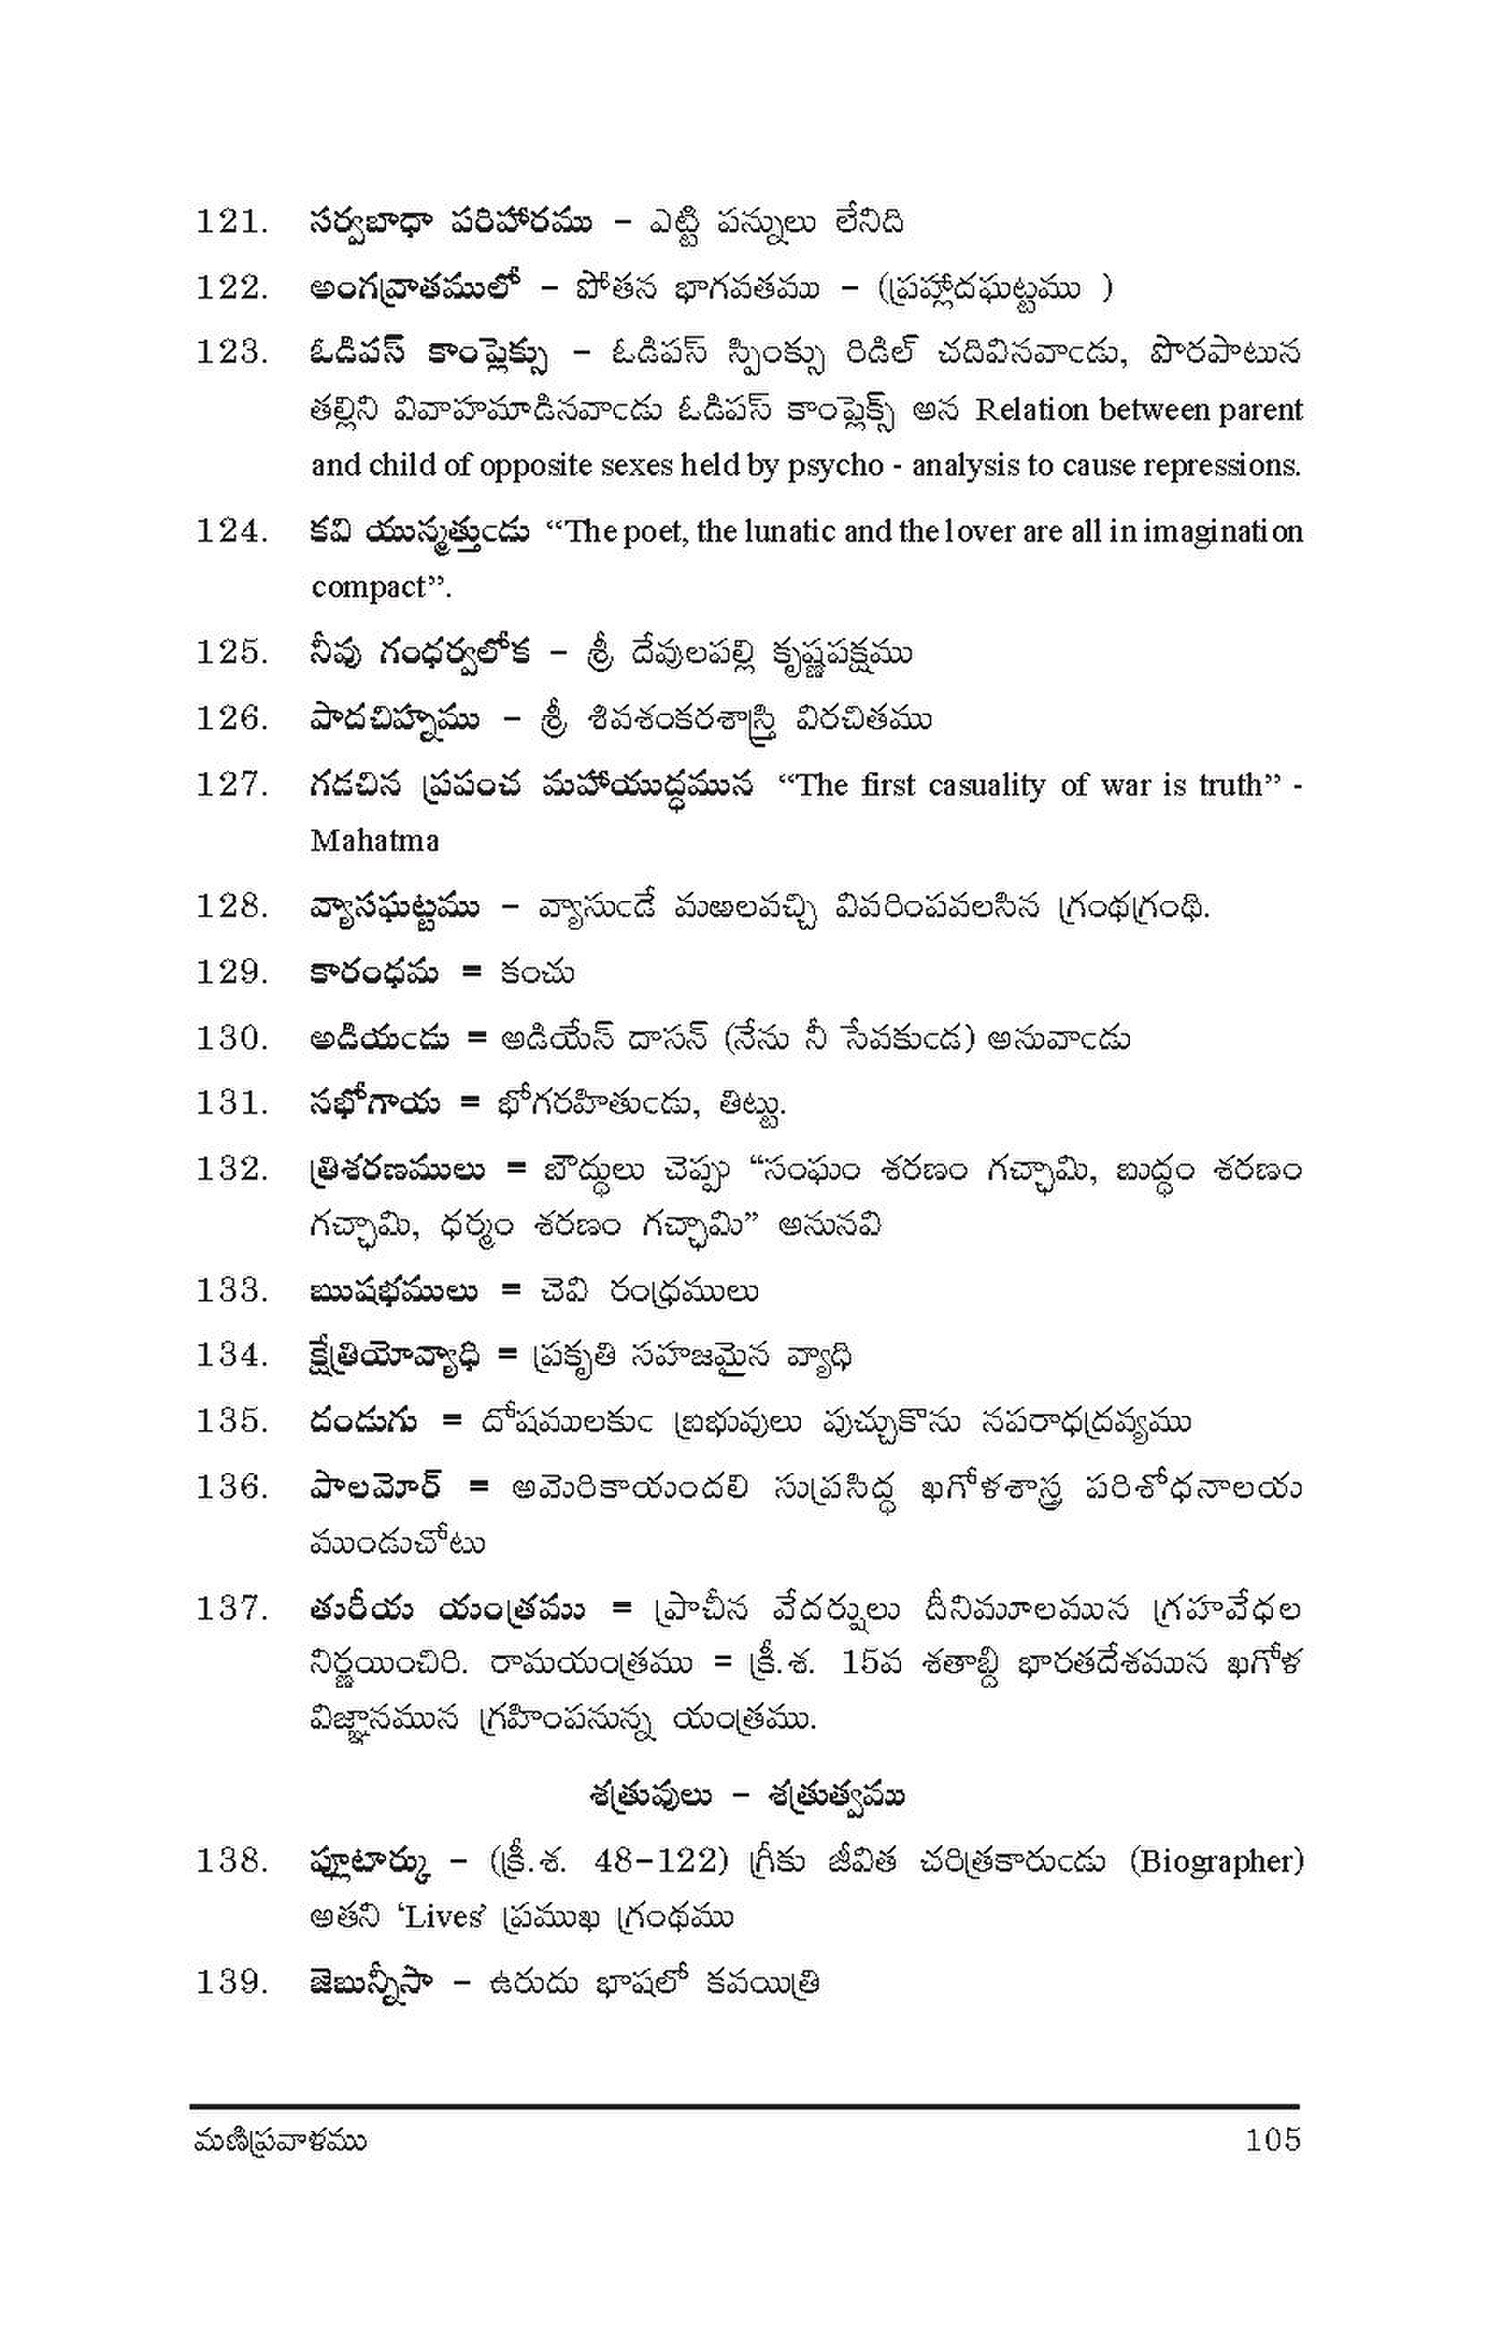121. సర్వబాధా పరిహారము - ఎట్టి పన్నులు లేనిది

122. అంగవ్రాతములో - పోతన భాగవతము - (ప్రహ్లాదఘట్టము )

123. ఓడిపస్ కాంప్లెక్సు - ఓడిపస్ స్పింక్సు రిడిల్ చదివినవాఁడు, పొరపాటున
తల్లిని వివాహమాడినవాఁడు ఓడిపస్ కాంప్లెక్స్ అన Relation between parent
and child of opposite sexes held by psycho - analysis to cause repressions.

124.కవి యున్మత్తుఁడు "The poet, the lunatic and the lover are all in imagination
compact”.

125. నీవు గంధర్వలోక - శ్రీ దేవులపల్లి కృష్ణపక్షము

126. పాదచిహ్నము - శ్రీ శివశంకరశాస్త్రి విరచితము

127. గడచిన ప్రపంచ మహాయుద్ధమున “The first casuality of war is truth” -
Mahatma

128. వ్యాసఘట్టము - వ్యాసుఁడే మఱలవచ్చి వివరింపవలసిన గ్రంథగ్రంథి.

129. కారంధమ = కంచు

130. అడియఁడు = అడియేన్ దాసన్ (నేను నీ సేవకుఁడ) అనువాఁడు

131. నభోగాయ = భోగరహితుఁడు, తిట్టు.

132. త్రిశరణములు = బౌద్ధులు చెప్పు “సంఘం శరణం గచ్ఛామి, బుద్ధం శరణం
గచ్ఛామి, ధర్మం శరణం గచ్ఛామి" అనునవి

133. ఋషభములు = చెవి రంధ్రములు

134. క్షేత్రియోవ్యాధి = ప్రకృతి సహజమైన వ్యాధి

135. దండుగు = దోషములకుఁ బ్రభువులు పుచ్చుకొను నపరాధద్రవ్యము

136. పాలమోర్ = అమెరికాయందలి సుప్రసిద్ధ ఖగోళశాస్త్ర పరిశోధనాలయ
ముండుచోటు

137. తురీయ యంత్రము = ప్రాచీన వేదర్షులు దీనిమూలమున గ్రహవేధల
నిర్ణయించిరి. రామయంత్రము = క్రీ.శ. 15వ శతాబ్ది భారతదేశమున ఖగోళ
విజ్ఞానమున గ్రహింపనున్న యంత్రము.

138. ప్లూటార్కు - (క్రీ.శ. 48-122) గ్రీకు జీవిత చరిత్రకారుఁడు (Biographer)
అతని 'Lives’ ప్రముఖ గ్రంథము

139. జేబున్నీసా - ఉరుదు భాషలో కవయిత్రి